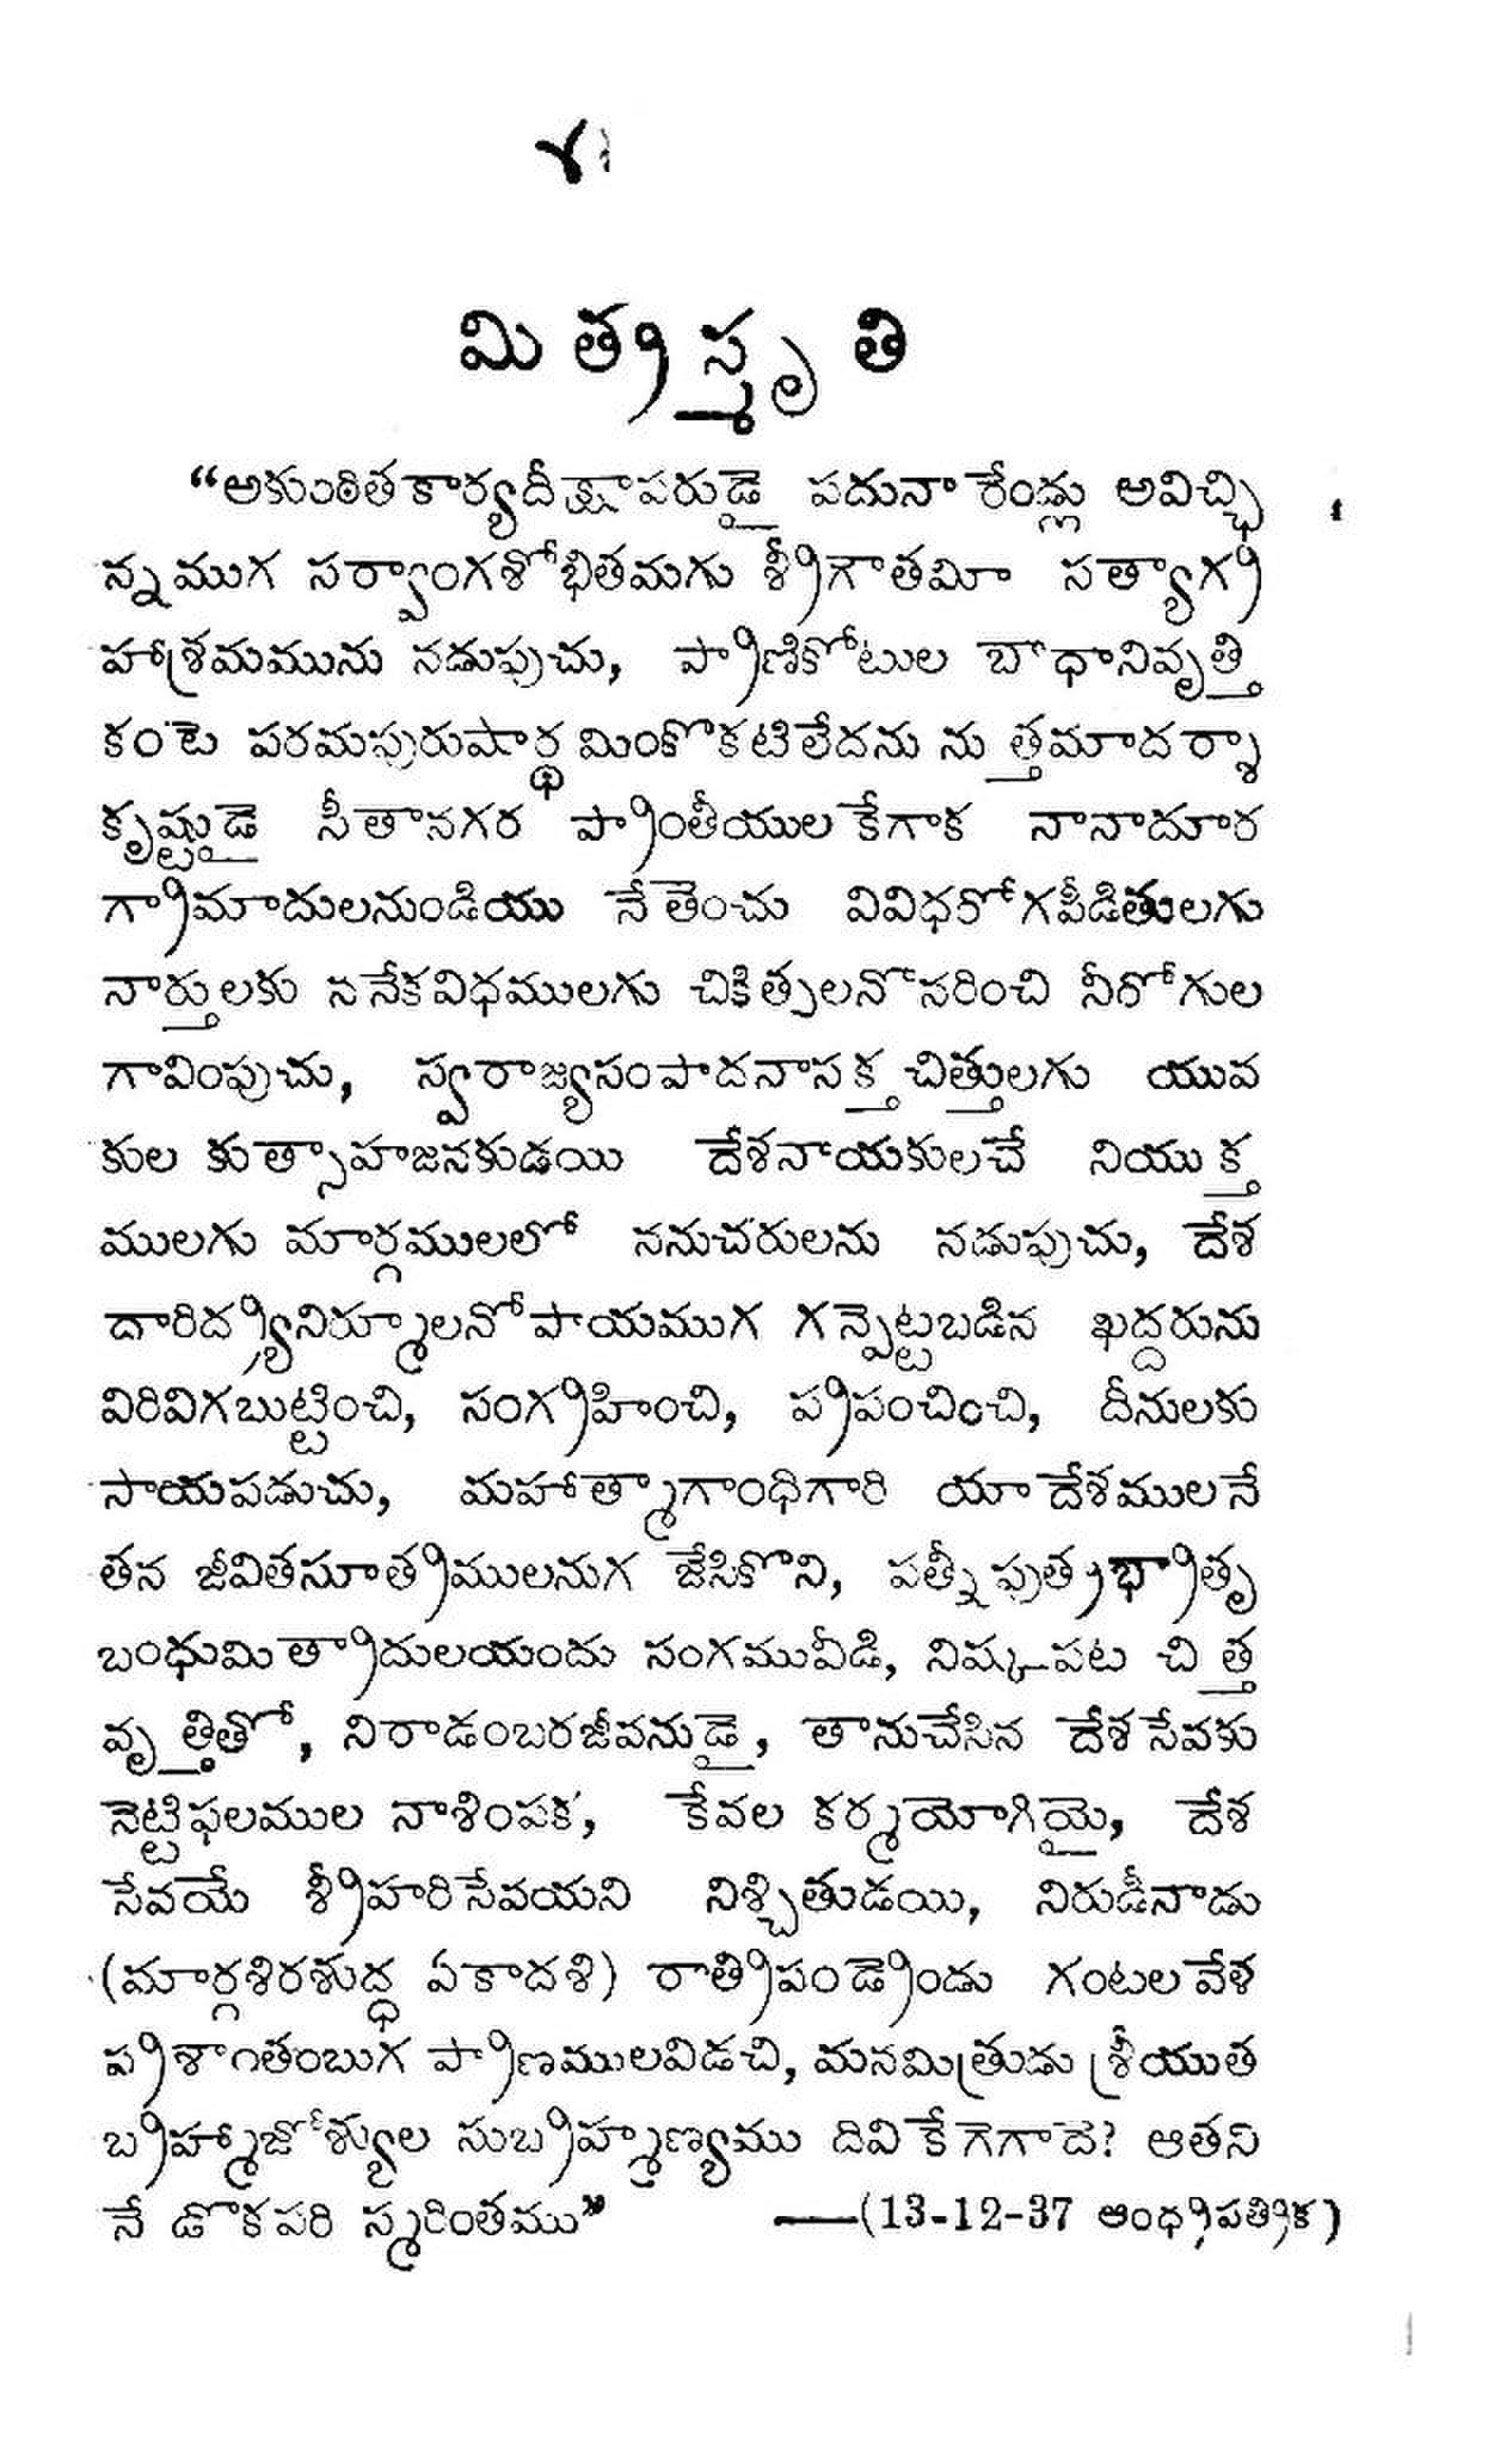మిత్రస్మృతి

“అకుంఠితకార్యదీక్షాపరుడై పదునా రేండ్లు అవిచ్చిన్నముగ సర్వాంగశోభితమగు శ్రీగౌతమీ సత్యాగ్రహాశ్రమమును నడుపుచు, ప్రాణికోటుల బాధానివృత్తి కంటె పరమపురుషార్థ మింకొకటిలేదను నుత్తమాదర్శా కృష్ణుడై సీతానగర ప్రాంతీయులకేగాక నానాదూర గ్రామాదులనుండియు నేతెంచు వివిధరోగపీడితులగు నార్తులకు ననేకవిధములగు చికిత్సలనొనరించి నీరోగుల గావింపుచు, స్వరాజ్యసంపాదనాసక్త చిత్తులగు యువకుల కుత్సాహజనకుడయి దేశనాయకులచే నియుక్తములగు మార్గములలో ననుచరులను నడుపుచు, దేశ దారిద్ర్యనిర్మూలనోపాయముగ గన్పెట్టబడిన ఖద్దరును విరివిగబుట్టించి, సంగ్రహించి, ప్రపంచించి, దీనులకు సాయపడుచు, మహాత్మాగాంధిగారి యాదేశములనే తన జీవితసూత్రములనుగ జేసికొని, పత్నీ పుత్రభ్రాతృ బంధుమిత్రాదులయందు సంగమువీడి, నిష్కపట చిత్తవృత్తితో, నిరాడంబరజీవనుడై, తానుచేసిన దేశసేవకు నెట్టిఫలముల నాశింపక, కేవల కర్మయోగియై, దేశసేవయే శ్రీహరిసేవయని నిశ్చితుడయి, నిరుడీనాడు ' (మార్గశిర శుద్ధ ఏకాదశి) రాత్రిపండ్రెండు గంటలవేళ ప్రశాంతంబుగ ప్రాణములవిడచి, మనమిత్రుడు శ్రీయుత బ్రహ్మాజోశ్యుల సుబ్రహ్మణ్యము దివికేగెగాదె? ఆతని నే డొకపరి స్మరింతము" - (13-12-37 ఆంధ్రపతిక)